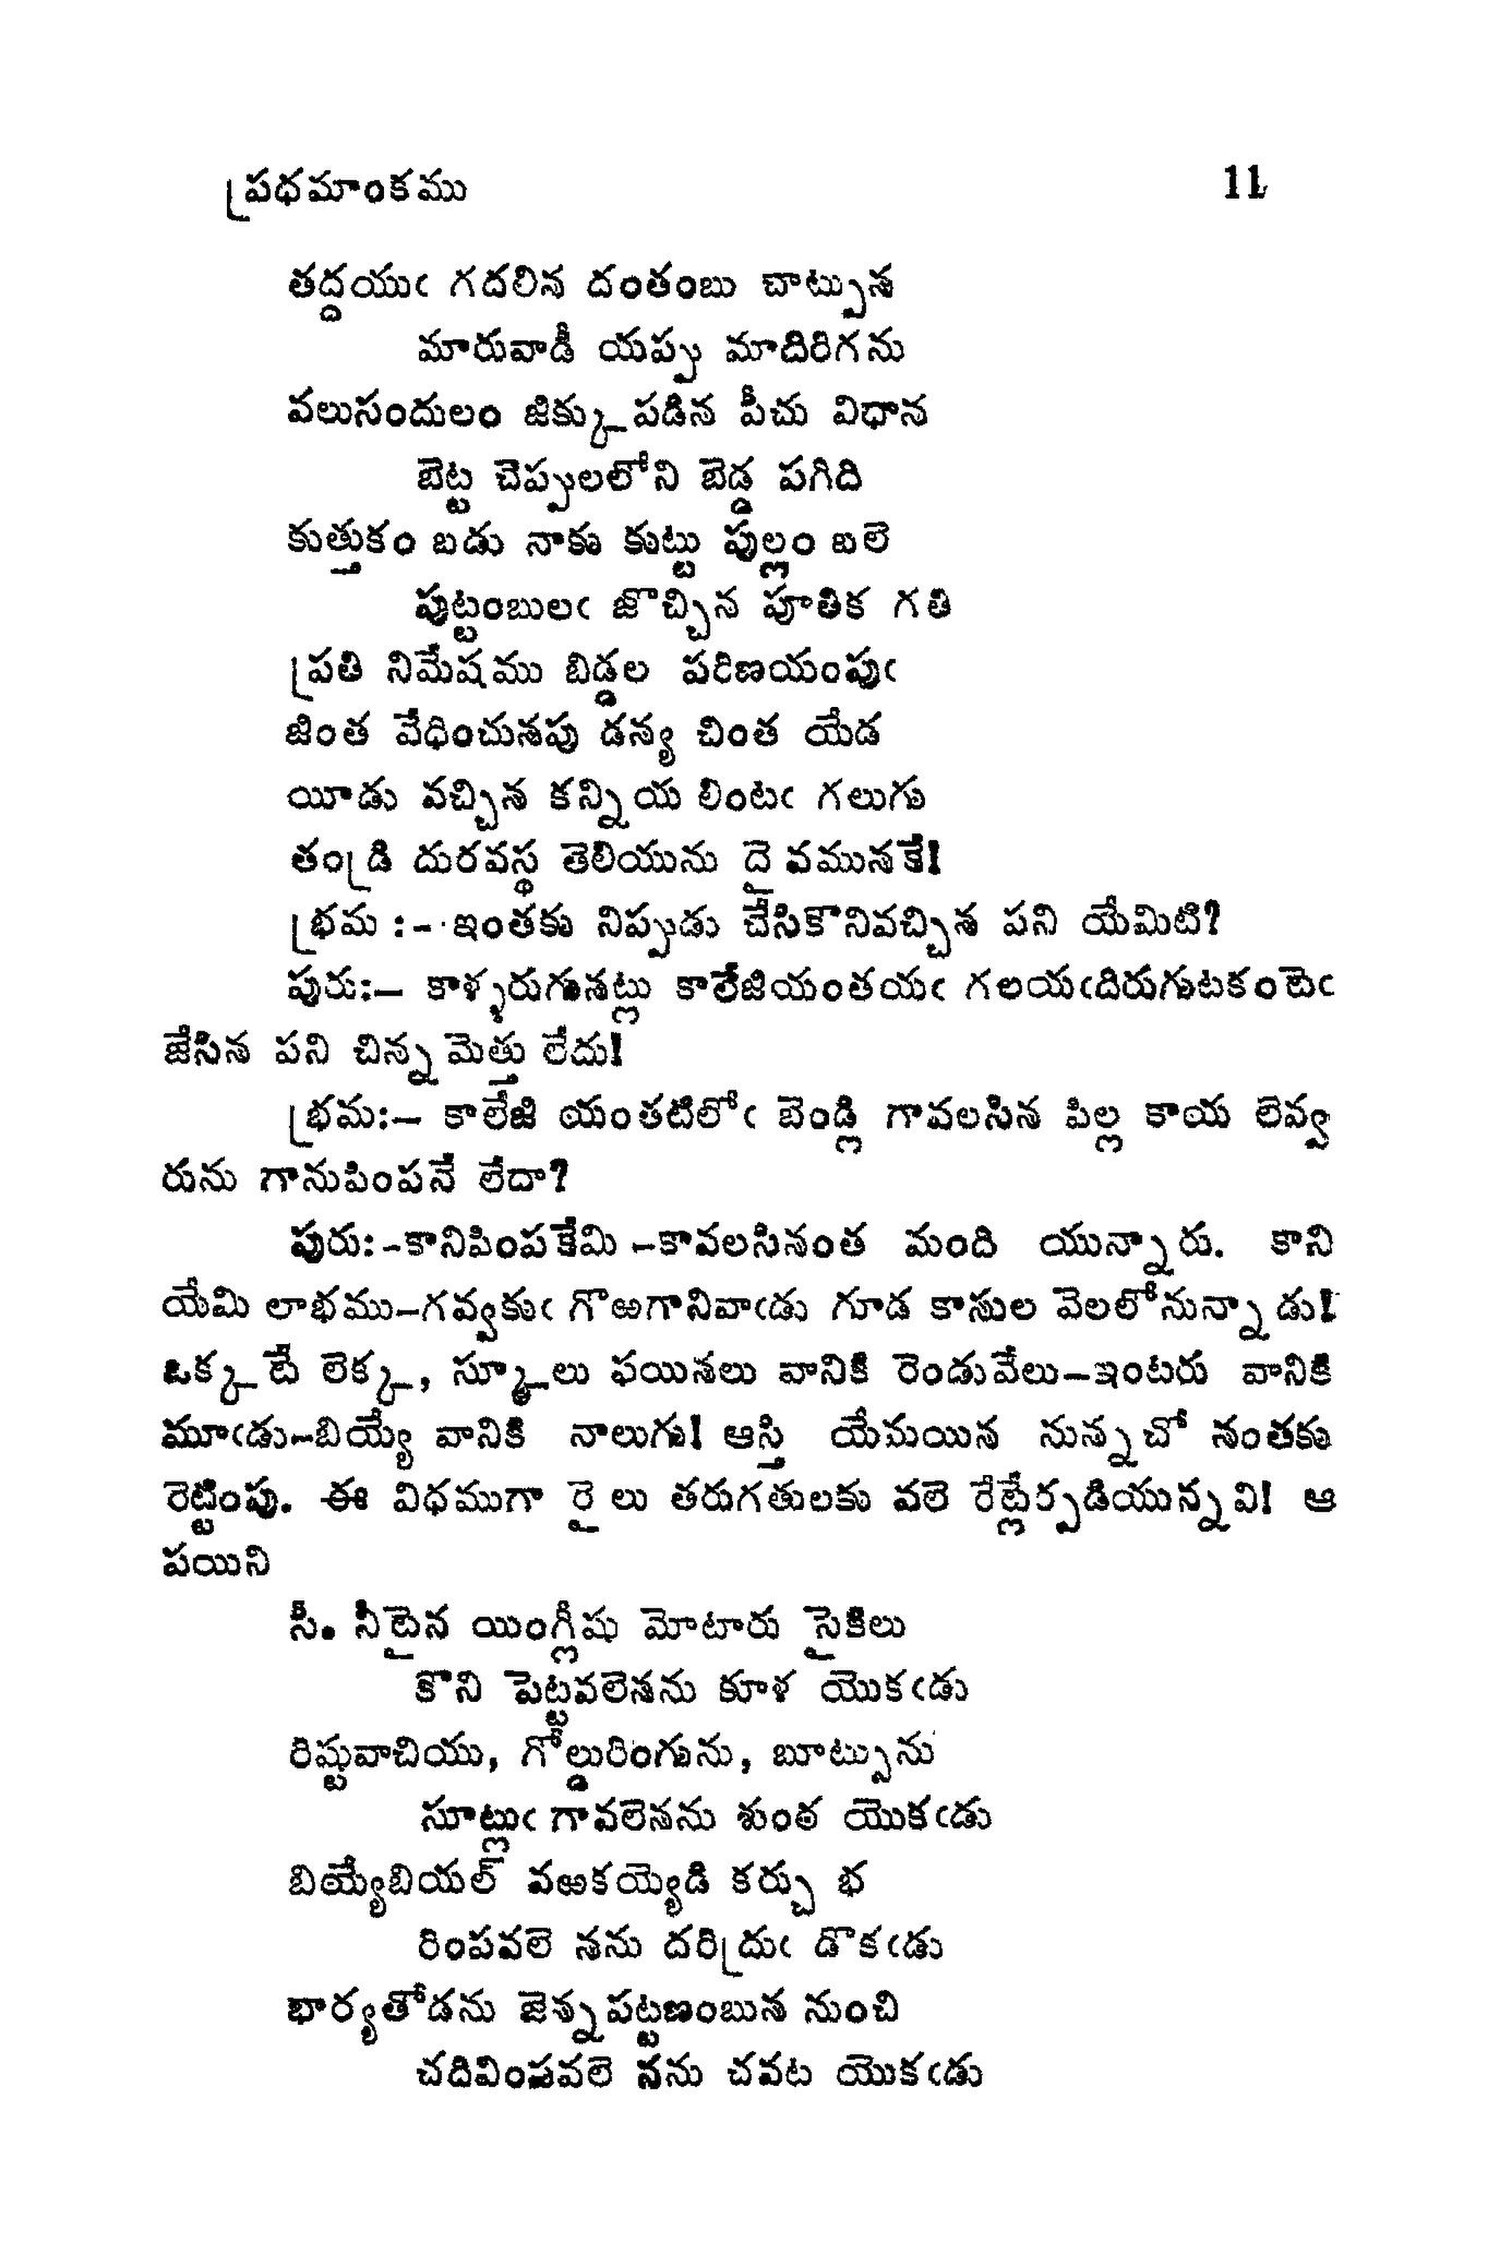తద్దయుఁ గదిలిన దంతంబు చాట్పున
 మారువాడీ యప్పు మాదిరిగను
పలుసందులం జిక్కు పడిన పీచు విధాన
 బెట్ట చెప్పులలోని బెడ్డ పగిది
కుత్తుకం బడు నాకు కుట్టు పుల్లం బలె
 పుట్టంబులఁ జొచ్చిన పూతిక గతి

ప్రతి నిమేషము బిడ్డల పరిణయంపుఁ
జింత వేధించునపు డన్య చింత యేడ
యీడువచ్చిన కన్నియ లింటఁ గలుగు
తండ్రి దురవస్థ తెలియును దైవమునకే!

భ్రమ:- ఇంతకు నిప్పుడు చేసికొనివచ్చిన పని యేమిటి?

పురు:-కాళ్ళరుగునట్లు కాలేజియంతయఁ గలయఁదిరుగుటకంటెఁ జేసిన పని చిన్న మెత్తు లేదు!

భ్రమ:- కాలేజి యంతటిలోఁ బెండ్లి గావలసిన పిల్ల కాయ లెవ్వరును గానుపింపనే లేదా?

పురు:- కానిపింపకేమి - కావలసినంత మంది యున్నారు. కాని యేమి లాభము -గవ్వకుఁ గొఱగానివాఁడు గూడ కాసుల వెలలోనున్నాడు! ఒక్కటే లెక్క, స్కూలు ఫయినలు వానికి రెండువేలు - ఇంటరు వానికి మూఁడు-బియ్యే వానికి నాలుగు! ఆస్తి యేమయిన నున్నచో నంతకు రెట్టింపు. ఈ విధముగా రైలు తరగతులకు వలె రేట్లేర్పడియున్నవి! ఆ పయిని 

సీ. నీటైన యింగ్లీషు మోటారు సైకిలు
 కొనిపెట్టవలెనను కూళ యొకఁడు
 రిష్టువాచియు, గోల్డురింగును, బూట్సును
 సూట్లుఁ గావలెనను శుంఠ యొకఁడు
 బియ్యేబియల్ వఱకయ్యెడి కర్చు భ
 రింపవలె నను దరిద్రుఁ డొకఁడు
 భార్యతోడను జెన్నపట్టణంబున నుంచి
 చదివింపవలె నను చవట యొకఁడు